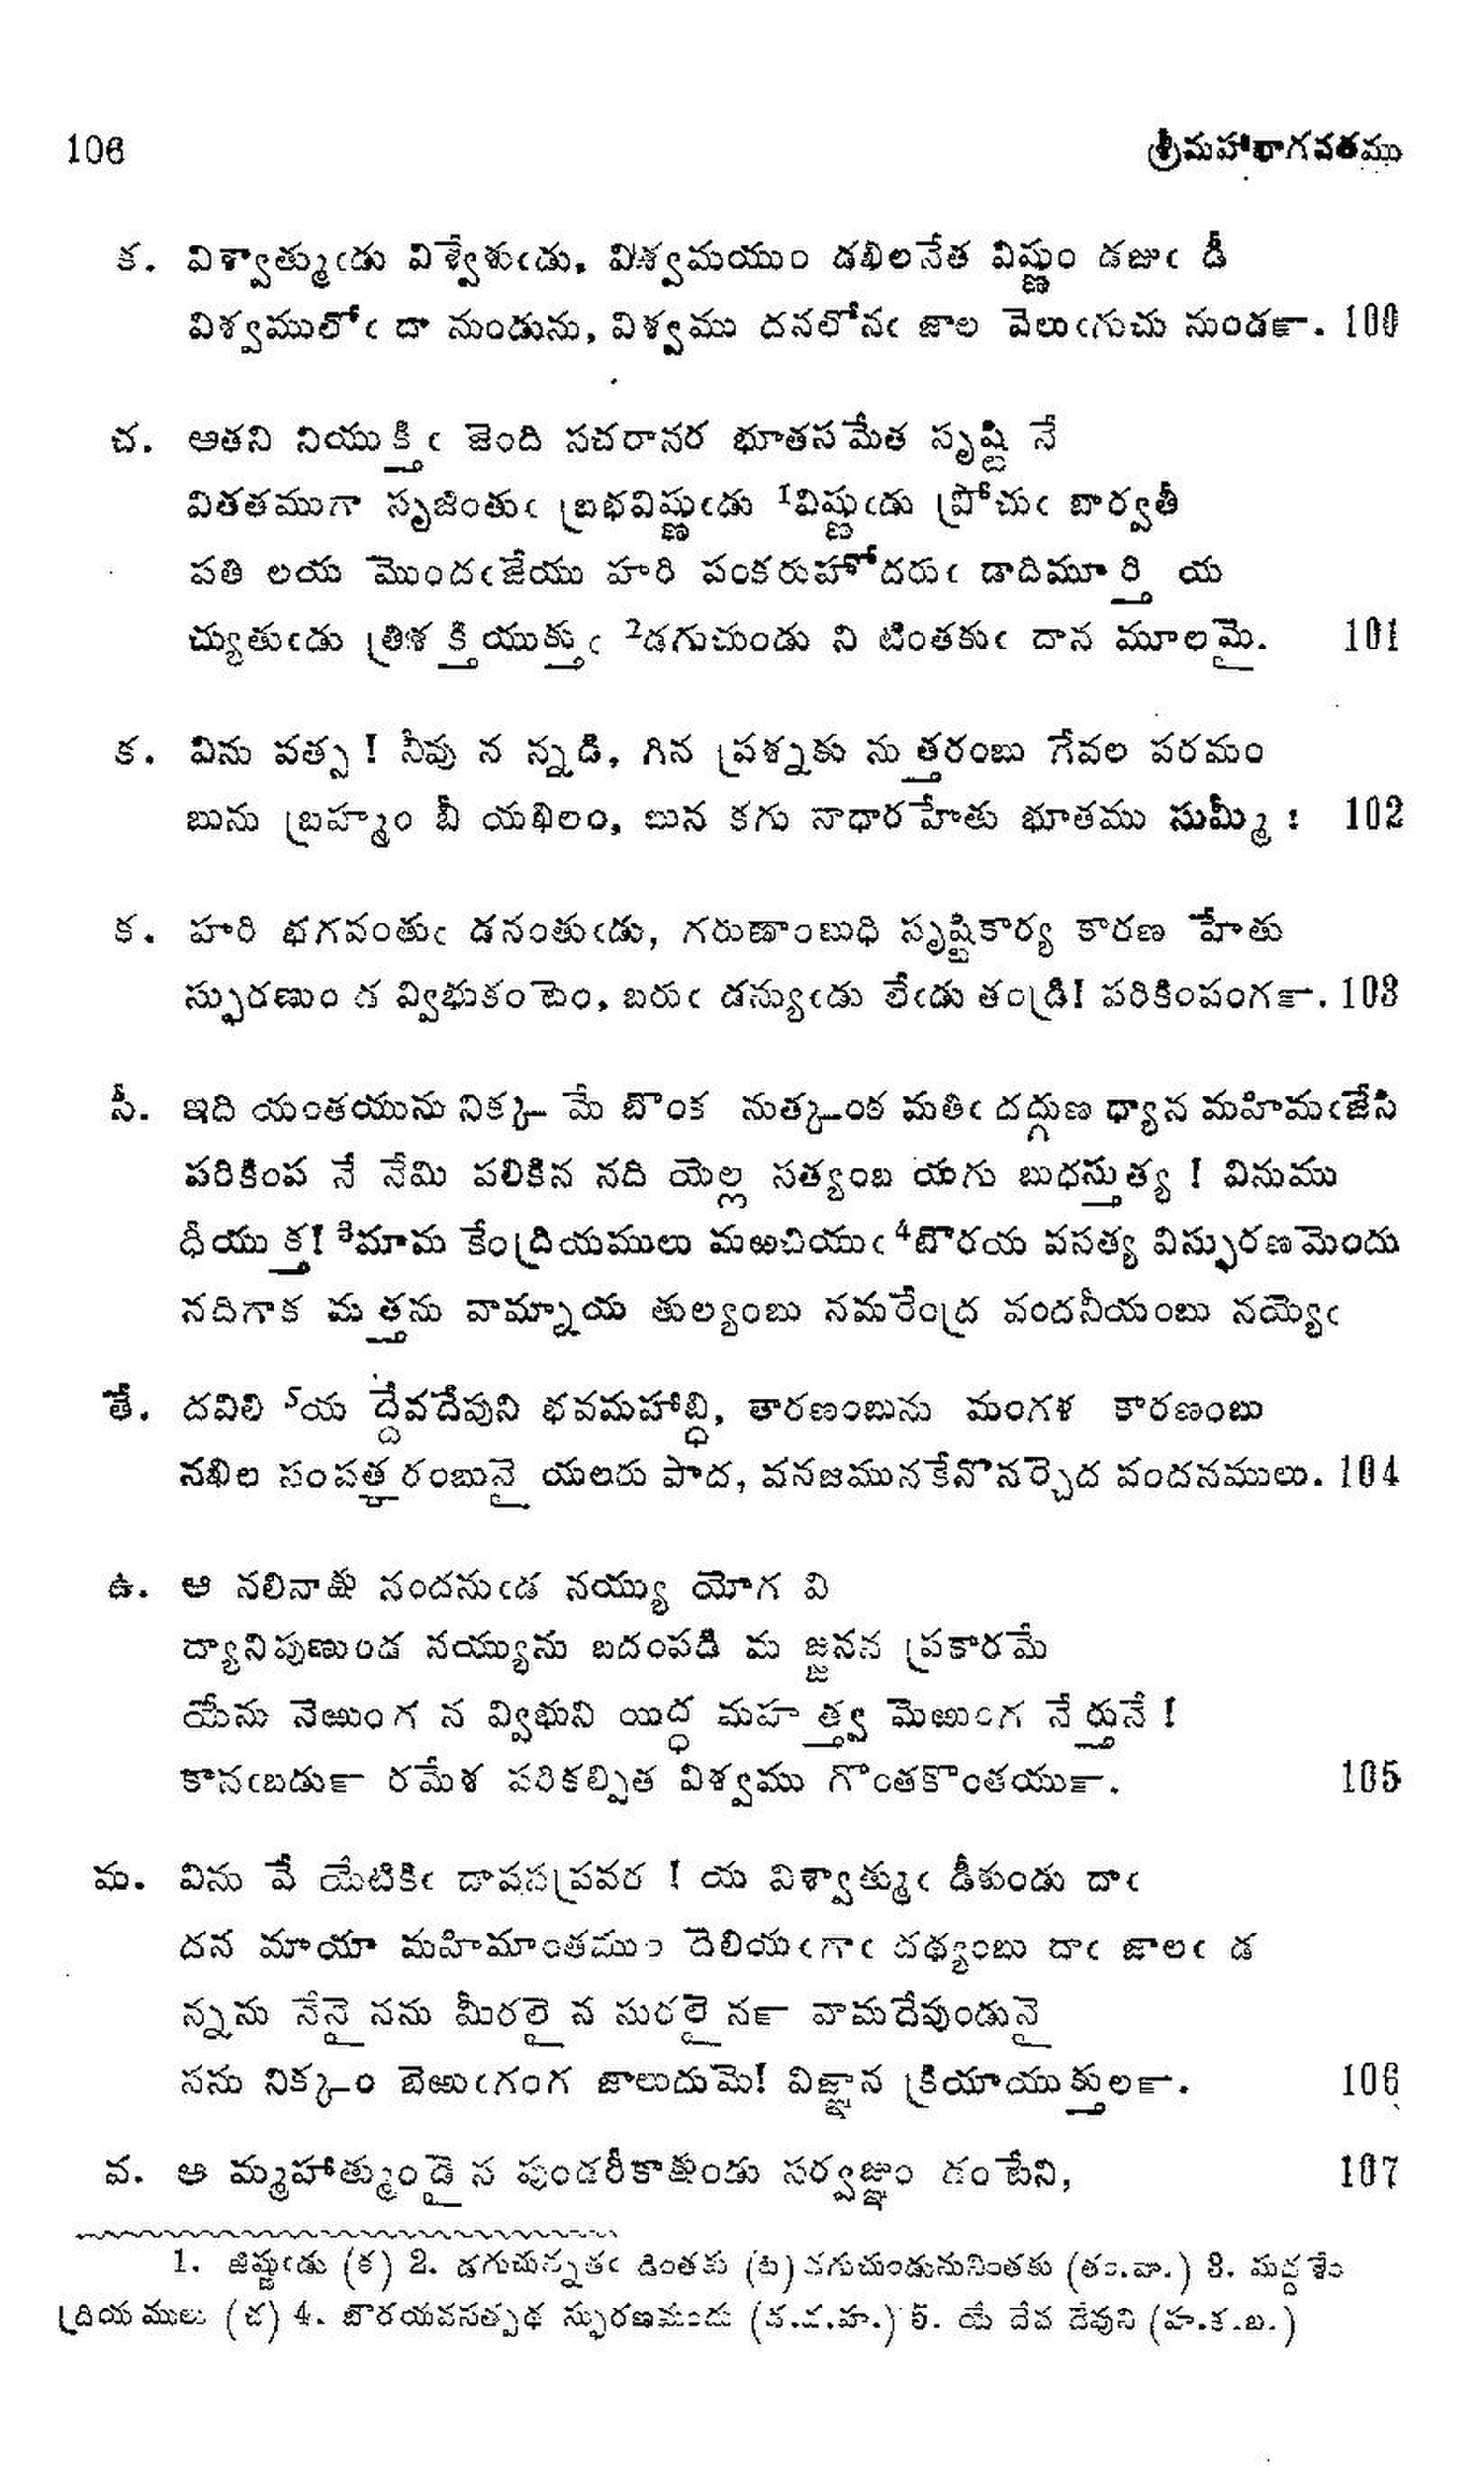106

క. విశ్వాత్ముఁడు విశ్వేశుఁడు, విశ్వమయుం డఖిలనేత విష్ణుం డజుఁ డీ

విశ్వములోఁ దా నుండును, విశ్వము దనలోనఁ జాల వెలుఁగుచు నుండన్. ( 100 )

చ. అతని నియుక్తిఁ జెంది సచరాచర భూతసమేత సృష్టి నే

వితతముగా సృజింతుఁ బ్రభవిష్ణుఁడు విష్ణుఁడు ప్రోచుఁ బార్వతీ

పతి లయ మొందఁజేయు హరి పంక రుహోదరుఁ డాదిమూర్తి య 

చ్యుతుఁడు త్రిశ క్తియుక్తుఁ డగుచుండు ని టింతకుఁ దాన మూలమై. ( 101 )

క. విను వత్స! నీవు న న్నడి, గిన ప్రశ్నకు నుత్తరంబు గేవల పరమం

బును బ్రహ్మం బీ యఖిలం, బున కగు నాధార హేతు భూతము సుమ్మీ! ( 102 )

క. హరి భగవంతుఁ డనంతుఁడు, గరుణాంబుధి సృష్టికార్య కారణ హేతు

స్ఫురణుం డ వ్విభుకంటెం, బరుఁ డన్యుడు లేఁడు తండ్రీ! పరికింపగన్. ( 103 )

సీ. ఇది యంతయును నిక్కమే బొంక నుత్కంఠ మతిఁ దద్గుణ ధ్యాన మహిమఁజేసి

పరికింప నే నేమి పలికిన నది యెల్ల సత్యంబు యగు బుధస్తుత్య! వినుము

ధీయుక్త! మామ కేంద్రియములు మఱచియుఁ బొరయ వసత్య విస్ఫురణమెందు

నదిగాక మత్తను వామ్నాయ తుల్యంబు నమరేంద్ర వందనీయంబు నయ్యెఁ

తే. దవిలి య ద్దేవదేవుని భవమహాబ్ధి, తారణంబును మంగళ కారణంబు 

నఖిల సంపత్కరంబునై యలరు పాద, వనజమునకే నొనర్చెద వందనములు. ( 104 )

ఉ. ఆ నలినాక్షు నందనుఁడ నయ్యుఁ బ్రజాపతినయ్యు యోగ వి 

ద్యానిపుణుండ నయ్యను బదంపడి మ జ్జనన ప్రకారమే 

యేను నెఱుంగ న వ్విభుని యిద్ధ మహత్త్వ మెఱుంగ నేర్తునే!

కానఁబడున్ రమేశ పరికల్పిత విశ్వము గొంతకొంతయున్. ( 105 )

మ. విను వే యేటికిఁ దాపసప్రవర! యవ్విశాత్ముఁ డీశుండు దాఁ

దన మాయా మహిమాంతముం దెలియఁగాఁ దథ్యంబు దాఁ జాలఁ డ

నన్ను నేనైనను మీరలైన సురలైనన్ వామదేవుండునై

నను నిక్కం బెఱుగంగ జాలుదుమె! విజ్ఞాన క్రియాయుక్తులన్. ( 106 )

వ. ఆ మ్మహాత్ముండైన పుండరీకాక్షుండు సర్వజ్ఞుం డంటేని, ( 107 )